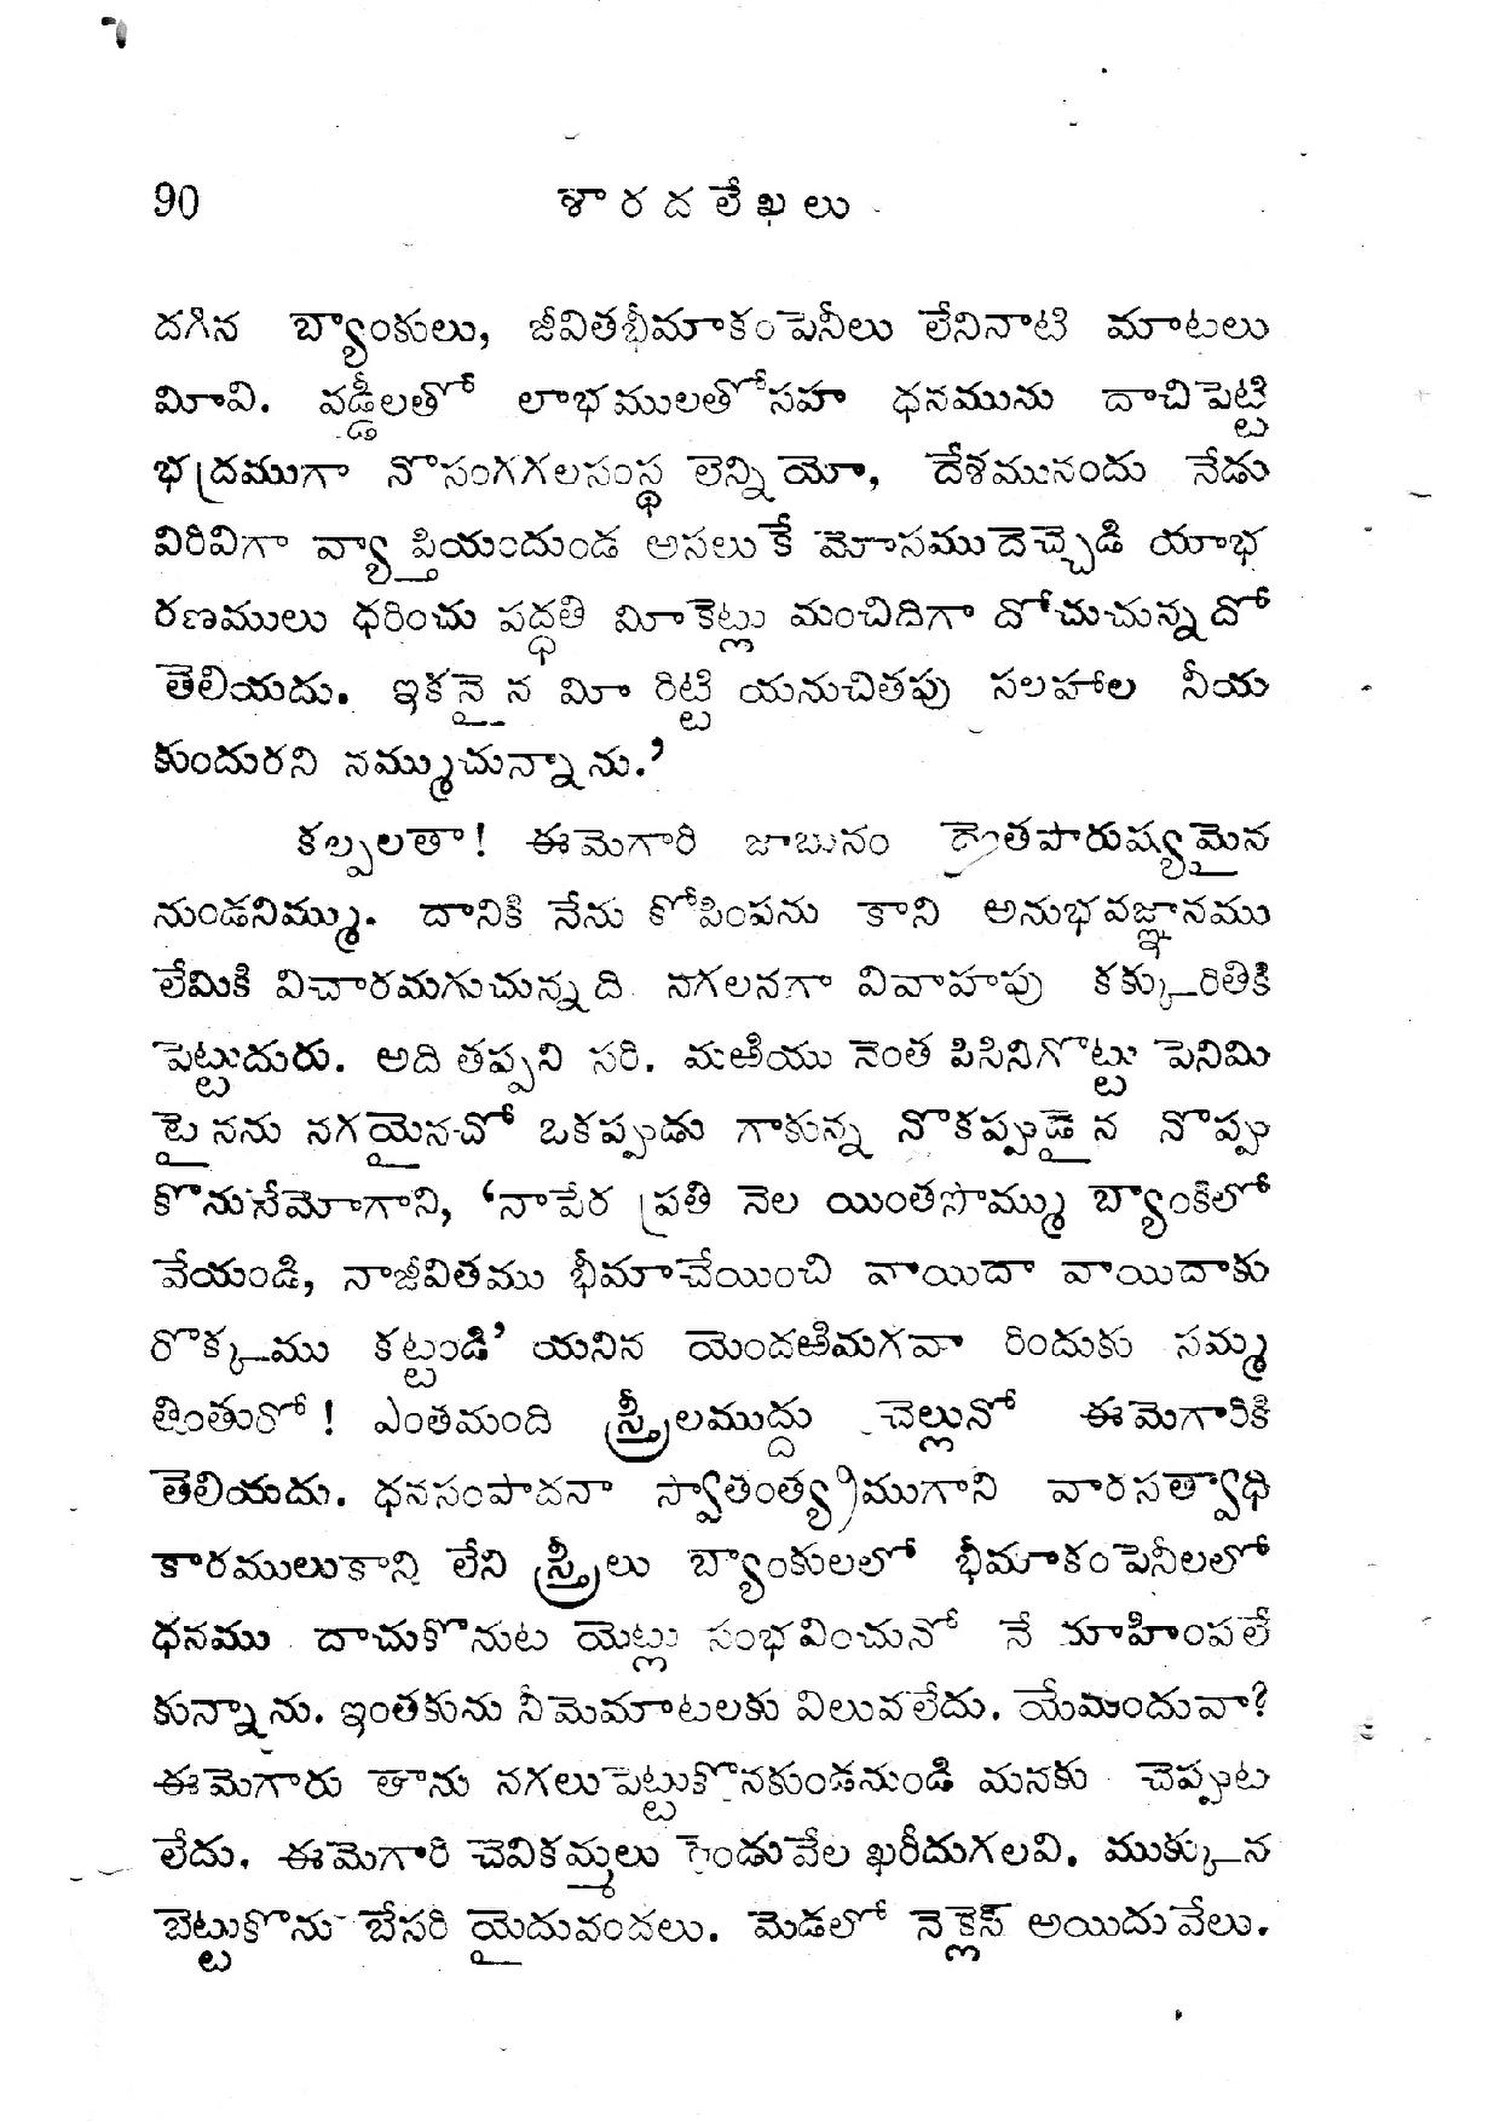దగిన బ్యాంకులు, జీవితభీమా కంపెనీలు లేనినాటి మాటలు
మీవి. వడ్డీలతో లాభములతో సహ ధనమును దాచి పెట్టి
భద్రముగా నొసంగగల సంస్థ లెన్ని యో, దేశమునందు నేడు
విరివిగా వ్యాప్తియందుండ అసలుకే మోసము దెచ్చెడి యాభ
రణములు ధరించు పద్ధతి మీకెట్లు మంచిదిగా దోచుచున్నదో
తెలియదు. ఇకనైన మీ రిట్టి యనుచితపు సలహాల నీయ
కుందురని నమ్ముచున్నాను.'

కల్పలతా! ఈమెగారీ జాబునం దెంతపారుష్యమైన
నుండనిమ్ము. దానికి నేను కోపింపను కాని అనుభవజ్ఞానము
లేమికి విచారమగుచున్నది. నగలనగా వివాహపు కక్కురితికి
పెట్టుదురు. అది తప్పని సరి. మఱియు నెంత పిసినిగొట్టు పెనిమి
టైనను నగయైనచో ఒకప్పుడు గాకున్న నొకప్పుడైన నొప్పు
కొనునేమోగాని, ‘నాపేర ప్రతి నెల యింత సొమ్ము బ్యాంకిలో
వేయండి, నాజీవితము భీమా చేయించి వాయిదా వాయిదాకు
రొక్కము కట్టండి' యనిన యెందఱి మగవా రిందుకు సమ్మ
తింతురో ! ఎంతమంది స్త్రీలముద్దు చెల్లునో ఈమెగారికి
తెలియదు. ధనసంపాదనా స్వాతంత్య్రముగాని వారసత్వాధి
కారములుకాని లేని స్త్రీలు బ్యాంకులలో భీమాకంపెనీలలో
ధనము దాచుకొనుట యెట్లు సంభవించునో నే రూహింపలే
కున్నాను. ఇంతకును నీమెమాటలకు విలువ లేదు. యేమందువా?
ఈమెగారు తాను నగలు పెట్టుకొనకుండనుండి మనకు చెప్పుట
లేదు. ఈమెగారి చెవికమ్మలు రెండువేల ఖరీదుగలవి, ముక్కున
బెట్టుకొను బేసరి యైదువందలు. మెడలో నెక్లెస్ అయిదు వేలు.